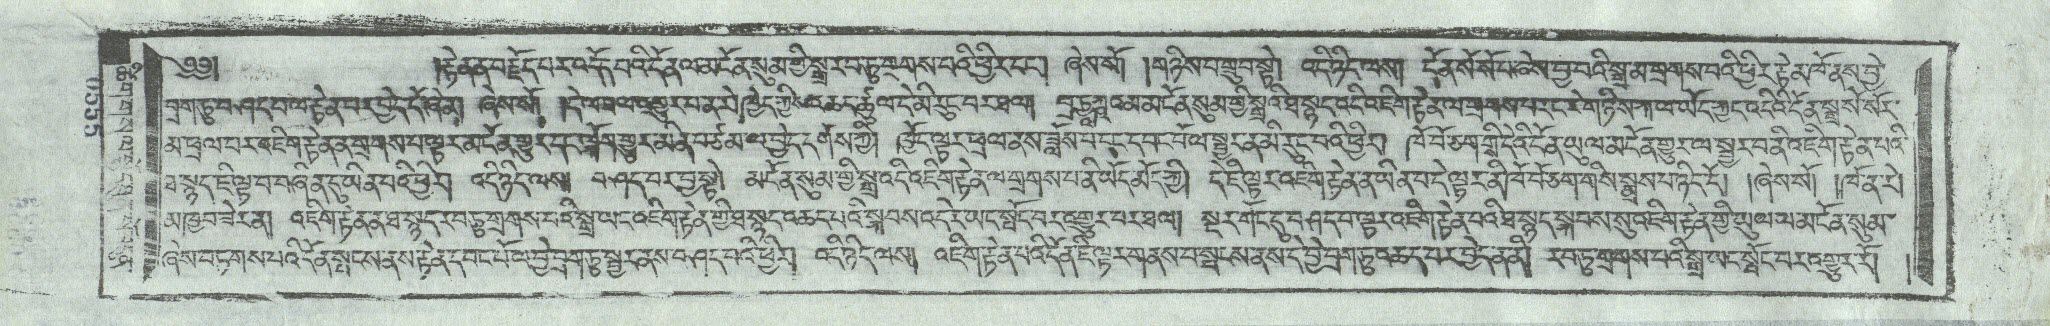༄༅། །རྟེན་ན་བརྗོད་པར་འདོད་པའི་དོན་ལ་མངོན་སུམ་གྱི་སྒྲ་རབ་ཏུ་གྲགས་པའི་ཕྱིར་དང་། ཞེས་སོ། །གཉིས་པ་གྲུབ་སྟེ། འདི་ཉིད་ལས། དོན་སོ་སོ་པ་ཞེས་བྱ་བའི་སྒྲ་མ་གྲགས་པའི་ཕྱིར་རྟེན་ཁོ་ནས་བྱེ་
བྲག་ཏུ་བཤད་པ་ལ་རྟེན་པར་བྱེད་དོ་ཞེ་ན། ཞེས་སོ། །དེ་ལ་ཐལ་འགྱུར་པ་ན་རེ། ཁྱེད་ཀྱིས་འཆད་ཚུལ་དེ་མི་རུང་བར་ཐལ། བྲ་ཏྱཱཀྵཱམ་མངོན་སུམ་གྱི་སྒྲའི་ཐ་སྙད་འདི་འཇིག་རྟེན་ལ་གྲགས་པ་རང་རེ་གཉིས་ཀ་ལ་ཡོད་ཀྱང་འདིའི་དོན་སྒྲ་སོ་སོར་
མ་ཕྲལ་པར་འཇིག་རྟེན་ན་གྲགས་པ་ལྟར་མངོན་གྱུར་དང་ལྐོག་གྱུར་མིན་པ་ཙམ་ལ་བྱེད་དགོས་ཀྱི། ཁྱོད་ལྟར་ཕྲལ་ནས་ཟློས་པ་དང་དབང་པོ་ལ་སྦྱར་ན་མི་རུང་བའི་ཕྱིར། ཁོ་བོ་ཅག་གིས་དེའི་དོན་ཡུལ་མངོན་གྱུར་ལ་སྦྱར་བ་ནི་འཇིག་རྟེན་པའི་
ཐ་སྙད་ཇི་ལྟ་ག་བཞིན་དུ་ཡིན་པའི་ཕྱིར། འདི་ཉིད་ལས། བཤད་པར་བྱ་སྟེ། མངོན་སུམ་གྱི་སྒྲ་འདི་འཇིག་རྟེན་ལ་གྲགས་པ་ནི་ཡོད་མོད་ཀྱི། དེ་ཇི་ལྟར་འཇིག་རྟེན་ན་ཡིན་པ་དེ་ལྟར་ནི་ཁོ་བོ་ཅག་གིས་སྨྲས་པ་ཉིད་དོ། །ཞེས་སོ། །ཁོ་ན་རེ།
མ་ཁྱབ་ཟེར་ན། འཇིག་རྟེན་ན་ཐ་སྙད་རབ་ཏུ་གྲགས་པའི་སྒྲ་ཡང་འཇིག་རྟེན་གྱི་ཐ་སྙད་འཆད་པའི་སྐབས་འདིར་ཡང་སྤོང་བར་འགྱུར་པར་ཐལ། སྔར་གོང་དུ་བཤད་པ་ལྟར་འཇིག་རྟེན་པའི་ཐ་སྙད་སྐབས་སུ་འཇིག་རྟེན་གྱི་ཡུལ་ལ་མངོན་སུམ་
ཞེས་བཏགས་པའི་དོན་སྤངས་ནས་རྟེན་དབང་པོ་ལ་བྱེ་བྲག་ཏུ་སྦྱར་ནས་བཤད་པའི་ཕྱིར། འདི་ཉིད་ལས། འཇིག་རྟེན་པའི་དོན་ཇི་ལྟར་གནས་པ་སྤངས་ནས་དེ་བྱེ་བྲག་ཏུ་འཆད་པར་བྱེད་ན་ནི། རབ་ཏུ་གྲགས་པའི་སྒྲ་ཡང་སྤོང་བར་འགྱུར་རོ།